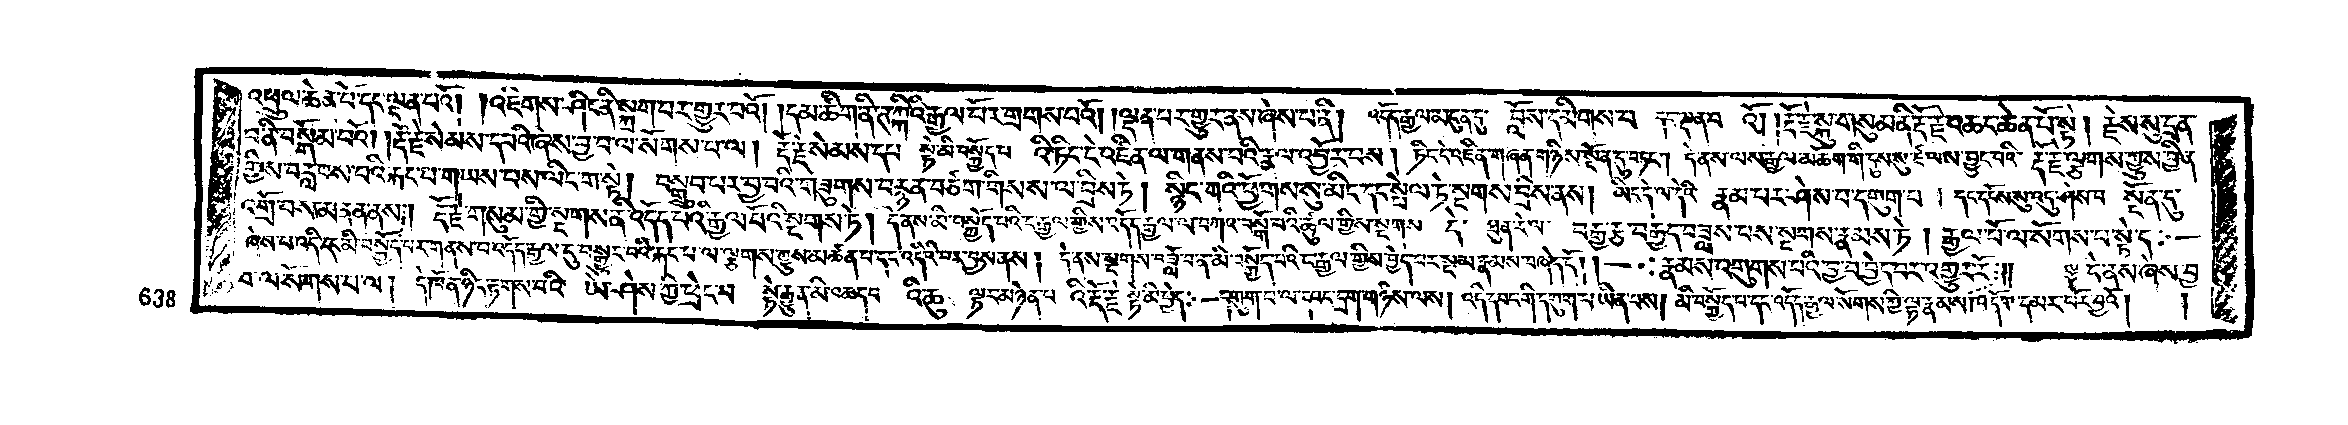འཕྲུལ་ཆེན་པོ་དང་ལྡན་པའོ། །འཇིགས་ཤིང་ནི་སྐྲག་པར་གྱུར་པའོ། །དམ་ཚིག་ནི་ཊཀྐིའི་རྒྱལ་པོར་གྲགས་པའོ། །ལྡན་པར་གྱུར་ནས་ཞེས་པ་ནི། འདོད་རྒྱལ་མདུན་དུ་བློས་དམིགས་པ་པ་དང་ལྡན་པའོ། །རྡོ་རྗེ་སྐུ་གསུམ་ནི་རྡོ་རྗེ་འཆང་ཆེན་པོ་སྟེ། རྗེས་སུ་དྲན་
པ་ནི་བསྒོམ་པའོ། །རྡོ་རྗེ་སེམས་དཔའི་ཞེས་བྱ་བ་ལ་སོགས་པ་ལ། རྡོ་རྗེ་སེམས་དཔའ་སྟེ་མི་བསྐྱོད་པའི་ཏིང་ངེ་འཛིན་ལ་གནས་པའི་རྣལ་འབྱོར་པས། ཏིང་ངེ་འཛིན་གཞན་གཉིས་སྔོན་དུ་བཏང་། དེ་ནས་ལས་རྒྱལ་མཆོག་གི་དུས་སུ་ཛ་ལས་བྱུང་བའི་རྡོ་རྗེ་ལྕགས་ཀྱུས་བྱིན་
གྱིས་བརླབས་པའི་རྐང་པ་གཡས་པས་ལིང་ག་སྟེ། བསྒྲུབ་པར་བྱ་བའི་གཟུགས་བརྙན་བཙག་གིས་ས་ལ་བྲིས་ཏེ། སྙིང་གའི་ཕྱོགས་སུ་མིང་དང་སྤེལ་ཏེ་སྔགས་བྲིས་ནས། མིང་དེ་ལ་དེའི་རྣམ་པར་ཤེས་པ་དགུག་པ་དང་དངོས་སུ་འདུ་ཤེས་པ་སྔོན་དུ་
འགྲོ་བས་མནན་ནས། རྡོ་རྗེ་གསུམ་གྱི་སྔགས་ནི་འདོད་པའི་རྒྱལ་པོའི་སྔགས་ཏེ། དེ་ནས་མི་བསྐྱོད་པའི་ང་རྒྱལ་གྱིས་འདོད་རྒྱལ་ལ་བཀའ་བསྒོ་བའི་ཚུལ་གྱིས་སྔགས་དེ་ཐུན་རེ་ལ་བརྒྱ་རྩ་བརྒྱད་བཟླས་པས་སྔགས་རྣམས་ཏེ། རྒྱལ་པོ་ལ་སོགས་པ་སྟེ་དཿ
ཞེས་པ་འདི་ནང་མི་བསྐྱོད་པར་གནས་པ་འདོད་རྒྱལ་དུ་བསྒྱུར་བའི་རྐང་པ་ལ་ལྕགས་ཀྱུས་མཚན་པ་དང་འདིའི་བར་བྱས་ནས། དེ་ནས་སྔགས་བཟློ་བ་ན་མི་བསྐྱོད་པའི་ང་རྒྱལ་གྱིས་བྱེད་པར་སྔ་མ་རྣམས་བཞེད་དོ།།.H རྣམས་འགུགས་པའི་བྱ་བ་བྱེད་པར་འགྱུར་རོ།། ༈ དེ་ནས་ཞེས་བྱ་
བ་ལ་སོགས་པ་ལ། དེ་ཁོ་ན་ཉིད་རྟགས་པའི་ཡེ་ཤེས་ཀྱི་ཕྲེང་པ་སྟེ་རྒྱུན་མི་འཆད་པའི་ཆུ་ལྟར་མཉེན་པའི་རྡོ་རྗེ་སྟེ་མི་ཕྱེདཿ་དགུག་པ་ལ་དབང་དྲག་གཉིས་ལས། འདི་དབང་གི་དགུག་པ་ཡིན་པས། མི་བསྐྱོད་པ་དང་འདོད་རྒྱལ་སོགས་ཀྱི་ལྷ་རྣམས་ཁ་དོག་དམར་པོར་བྱའོ། །